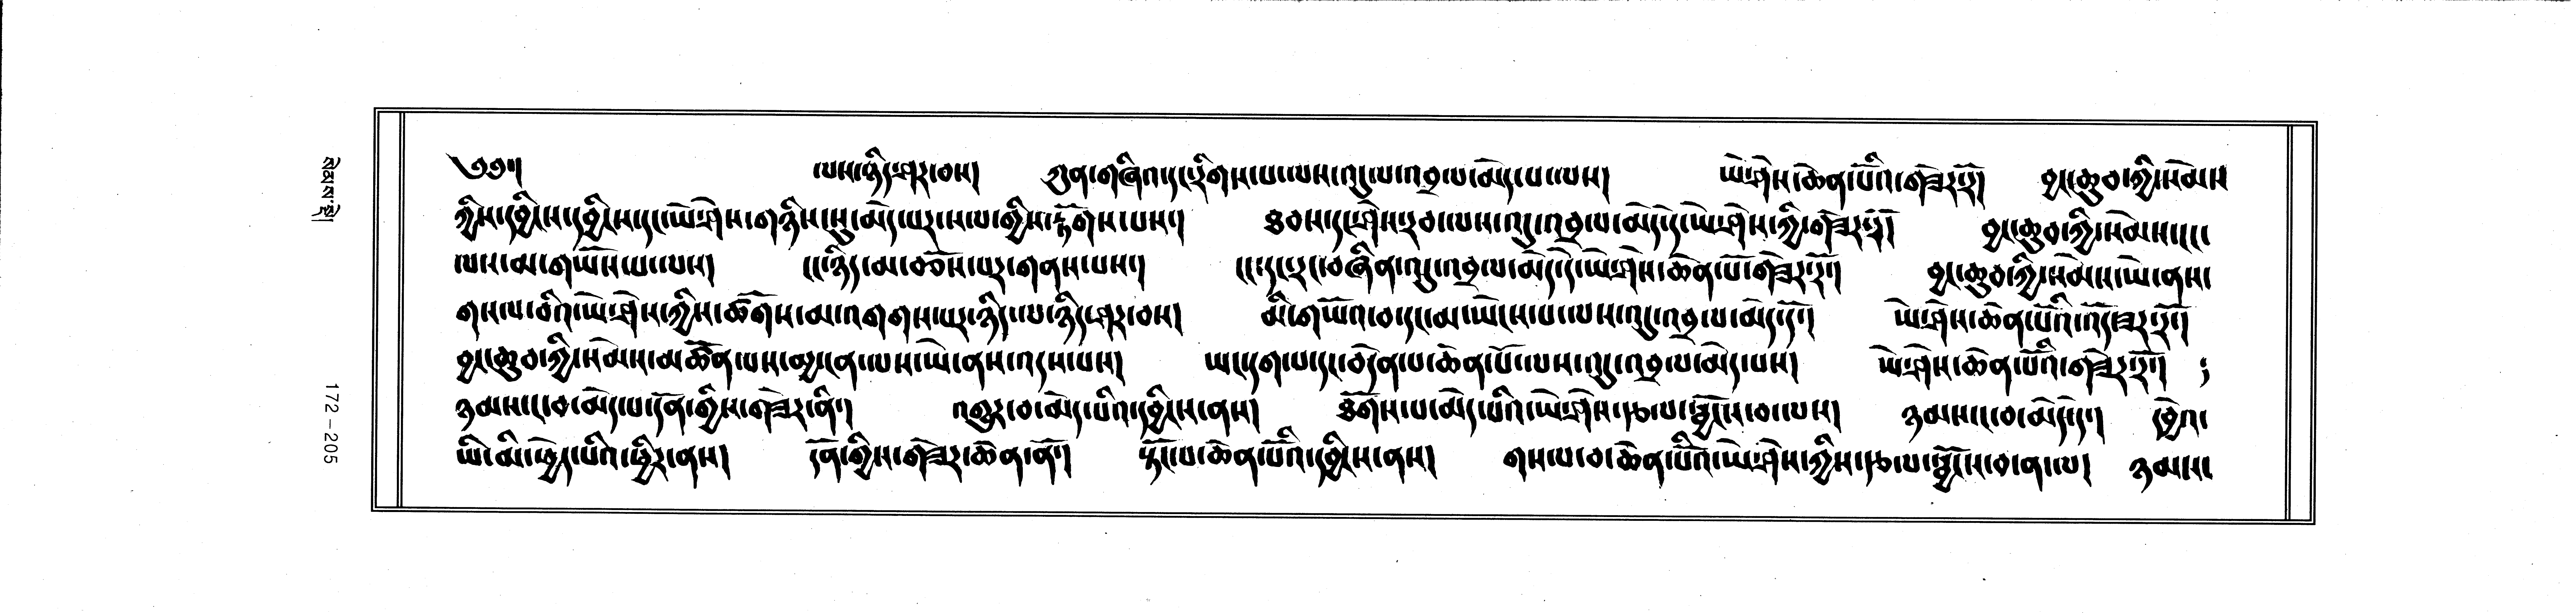ཉིད་ཤར་བས། ཀུན་གཞིའ་དང་རིག་པ་ལས་འདུལ་འབྲལ་མེད་པ་ལས། ཡེ་ཤེས་ཆེན་པོའི་གཟེར་རོ། བྱང་ཆུབ་ཀྱི་སེམས་
ཀྱིས་དབྱིངས་དང་ཡེ་ཤེས་གཉིས་སུ་མེད་པར་སལ་གྱིས་རྟོགས་པས། ཐབས་དང་ཤེས་རབ་ལས་འདུ་འབྲལ་མེད་དེ་ཡེ་ཤེས་ཀྱི་གཟེར་རོ། བྱང་ཆུབ་ཀྱི་སེམས་ངང་
ལས་མ་གཡོས་པ་ལས། ངང་ཉིད་མ་བཅོས་པར་གནས་པས། ངང་དང་རང་བཞིན་འདུ་འབྲལ་མེད་དེ་ཡེ་ཤེས་ཆེན་པོ་གཟེར་རོ། བྱང་ཆུབ་ཀྱིས་སེམས་ཡེ་ནས་
གསལ་བའི་ཡེ་ཤེས་ཀྱིས་ཚོགས་མ་འགགས་པར་ཉིད་ལ་ཉིད་ཤར་བས། མི་གཡོའ་བ་དང་མ་གཡེངས་པ་ལས་འདུ་འབྲལ་མེད་དོ། ཡེ་ཤེས་ཆེན་པོའི་འོད་ཟེར་རོ།
 བྱང་ཆུབ་ཀྱིས་སེམས་མཚོན་པས་མྱ་ངན་ལས་ཡེ་ནས་འདས་པས། ཡང་དག་པ་དང་བདེན་པ་ཆེན་པོ་ལས་འདུ་འབྲལ་མེད་པས། ཡེ་ཤེས་ཆེན་པོའི་གཟེར་རོ། 
ཉམས་ང་བ་མེད་པ་དོན་གྱིས་གཟེར་ནི། འགྱུར་བ་མེད་པའི་དབྱིངས་ནས། ཐོགས་པ་མེད་པའི་ཡེ་ཤེས་རྩལ་སྦྱོང་བ་ལས། ཉམས་ང་བ་མེད་དེ། དབྱེ་
ཡི་མི་ཕྱེད་པའི་ཕྱིར་ནས། དོན་གྱིས་གཟེར་ཆེན་ནོ། སྟོང་པ་ཆེན་པོའི་དབྱིངས་ནས། གསལ་བ་ཆེན་པོའི་ཡེ་ཤེས་ཀྱིས་རྩལ་སྦྱོངས་བ་ལ། ཉམས་ང་